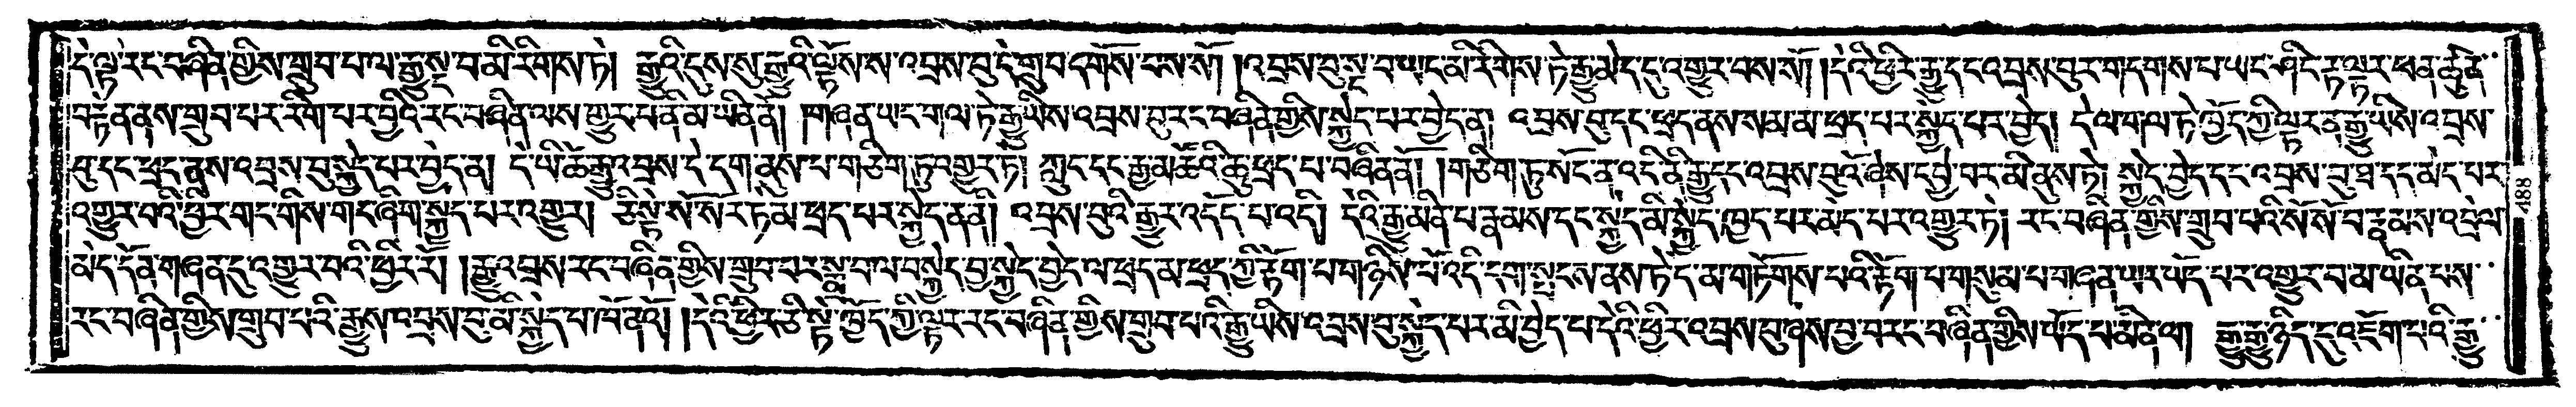དེ་ལྟ་རང་བཞིན་གྱིས་གྲུབ་པ་ལ་རྒྱུ་སྔ་བ་མི་རིགས་ཏེ། རྒྱུའི་དུས་སུ་རྒྱུའི་ལྟོས་ས་འབྲས་བུ་དེ་གྲུབ་དགོས་པས་སོ། །འབྲས་བུ་སྔ་བ་ཡང་མི་རིགས་ཏེ་རྒྱུ་མེད་དུ་འགྱུར་བས་སོ། །དེའི་ཕྱིར་རྒྱུ་དང་འབྲས་བུར་གདགས་པ་ཡང་ཤིང་རྟ་ལྟར་ཕན་ཚུན་
བརྟེན་ནས་གྲུབ་པར་རིག་པར་བྱའི་རང་བཞིན་ལས་གྱུར་པ་ནི་མ་ཡིན་ནོ། །གཞན་ཡང་གལ་ཏེ་རྒྱུ་ཡིས་འབྲས་བུ་རང་བཞིན་གྱིས་སྐྱེད་པར་བྱེད་ན། འབྲས་བུ་དང་ཕྲད་ནས་སམ་མ་ཕྲད་པར་སྐྱེད་པར་བྱེད། དེ་ལ་གལ་ཏེ་ཁྱོད་ཀྱི་ལྟར་ན་རྒྱུ་ཡིས་འབྲས་
བུ་དང་ཕྲད་ནས་འབྲས་བུ་སྐྱེད་པར་བྱེད་ན། དེ་ཡི་ཚེ་རྒྱུ་འབྲས་དེ་དག་ནུས་པ་གཅིག་ཏུ་འགྱུར་ཏེ། ཀླུང་དང་རྒྱ་མཚོའི་ཆུ་ཕྲད་པ་བཞིན་ནོ། །གཅིག་ཏུ་སོང་ན་འདི་ནི་རྒྱུ་དང་འབྲས་བུའོ་ཞེས་དབྱེ་བར་མི་ནུས་ཏེ། སྐྱེད་བྱེད་དང་འབྲས་བུ་ཐ་དད་མེད་པར་
འགྱུར་བའི་ཕྱིར་གང་གིས་གང་ཞིག་སྐྱེད་པར་གྱུར། ཅི་སྟེ་སོ་སོར་ཏེ་མ་ཕྲད་པར་སྐྱེད་ན་ནི། འབྲས་བུའི་རྒྱུར་འདོད་པ་འདི། དེའི་རྒྱུ་མིན་པ་རྣམས་དང་སྐྱེད་མི་སྐྱེད་ཁྱད་པར་མེད་པར་འགྱུར་ཏེ། རང་བཞིན་གྱིས་གྲུབ་པའི་སོ་སོ་བ་རྣམས་འབྲེལ་
མེད་དོན་གཞན་དུ་འགྱུར་བའི་ཕྱིར་རོ། །རྒྱུ་འབྲས་རང་བཞིན་གྱིས་གྲུབ་པར་སྨྲ་བ་ལ་བསྐྱེད་བྱ་སྐྱེད་བྱེད་ལ་ཕྲད་མ་ཕྲད་ཀྱི་རྟོག་པ་གཉིས་པོ་འདི་དག་སྤངས་ནས་ཏེ་དེ་མ་གཏོགས་པའི་རྟོག་པ་གསུམ་པ་གཞན་ཡང་ཡོད་པར་འགྱུར་བ་མ་ཡིན་པས་
རང་བཞིན་གྱིས་གྲུབ་པའི་རྒྱུས་འབྲས་བུ་མི་སྐྱེད་པ་ཁོ་ནའོ། །དེའི་ཕྱིར་ཅི་སྟེ་ཁྱོད་ཀྱི་ལྟར་རང་བཞིན་གྱིས་གྲུབ་པའི་རྒྱུ་ཡིས་འབྲས་བུ་སྐྱེད་པར་མི་བྱེད་པ་དེའི་ཕྱིར་འབྲས་བུ་ཞེས་བྱ་བ་རང་བཞིན་གྱིས་ཡོད་པ་མིན་ལ། རྒྱུ་རྒྱུ་ཉིད་དུ་འཇོག་པའི་རྒྱུ་